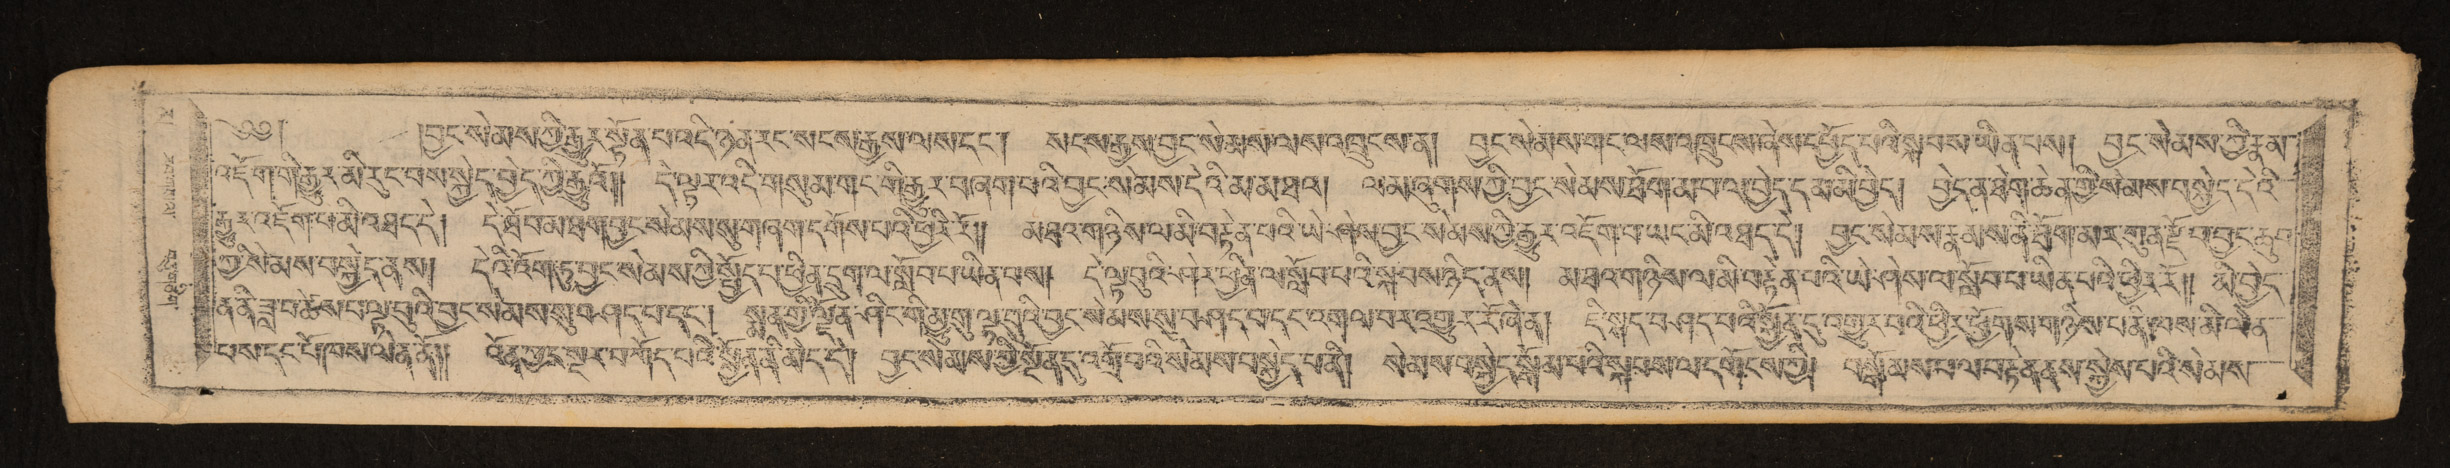༄༅། །བྱང་སེམས་ཀྱི་རྒྱུར་སྟོན་པ་འདི་ཉན་རང་སངས་རྒྱས་ལས་དང་། སངས་རྒྱས་བྱང་སེམས་ལས་འཁྲུངས་ན། བྱང་སེམས་གང་ལས་འཁྲུངས་ཞེས་དཔྱོད་པའི་སྐབས་ཡིན་པས། བྱང་སེམས་ཀྱི་རྣམ་
འཇོག་གི་རྒྱུར་མི་རུང་བས་སྐྱེད་བྱེད་ཀྱི་རྒྱུའོ།། དེ་ལྟར་འདི་གསུམ་གང་གི་རྒྱུར་བཞག་པའི་བྱང་སེམས་དེའི་མ་མཐའ། ལམ་ཞུགས་ཀྱི་བྱང་སེམས་ཐོག་མ་པ་ལ་བྱེད་དམ་མི་བྱེད། བྱེད་ན་ཐེག་ཆེན་གྱི་སེམས་བསྐྱེད་དེའི་
རྒྱུར་འཇོག་པ་མི་འཐད་དེ། དེ་ཐོབ་མ་ཐག་བྱང་སེམས་སུ་གཞག་དགོས་པའི་ཕྱིར་རོ།། མཐའ་གཉིས་ལ་མི་བརྟེན་པའི་ཡེ་ཤེས་བྱང་སེམས་ཀྱི་རྒྱུར་འཇོག་པ་ཡང་མི་འཐད་དེ། བྱང་སེམས་རྣམས་ནི་ཐོག་མར་ཀུན་རྫོབ་བྱང་ཆུབ་
ཀྱི་སེམས་བསྐྱེད་ནས། དེའི་འོག་ཏུ་བྱང་སེམས་ཀྱི་སྤྱོད་པ་ཕྱིན་དྲུག་ལ་སློབ་པ་ཡིན་པས། དེ་ལྟ་བུའི་ཤེར་ཕྱིན་ལ་སློབ་པའི་སྐབས་ཉིད་ནས། མཐའ་གཉིས་ལ་མི་བརྟེན་པའི་ཡེ་ཤེས་ལ་སློབ་པ་ཡིན་པའི་ཕྱིར་རོ།། མི་བྱེད་
ན་ནི་ཟླ་བ་ཚེས་པ་ལྟ་བུའི་བྱང་སེམས་སུ་བཤད་པ་དང་། སྨན་གྱི་ལྗོན་ཤིང་གི་མྱུ་གུ་ལྟ་བུའི་བྱང་སེམས་སུ་བཤད་པ་དང་འགལ་བར་འགྱུར་རོ་ཞེ་ན། ཇི་སྐད་བཤད་པའི་སྐྱོན་དུ་འགྱུར་བའི་ཕྱིར་ཕྱོགས་གཉིས་པ་ནི་ཁས་མི་ལེན་
པས་དང་པོ་ཁས་ལེན་ནོ།། འོན་ཀྱང་སྔར་བཀོད་པའི་སྐྱོན་ནི་མེད་དེ། བྱང་སེམས་ཀྱི་སྔོན་དུ་འགྲོ་བའི་སེམས་བསྐྱེད་པ་ནི། སེམས་བསྐྱེད་སྒོམ་པའི་སྐབས་ལ་དགོངས་ཀྱི། བསྒོམས་པ་ལ་བརྟེན་ནས་སྐྱེས་པའི་སེམས་